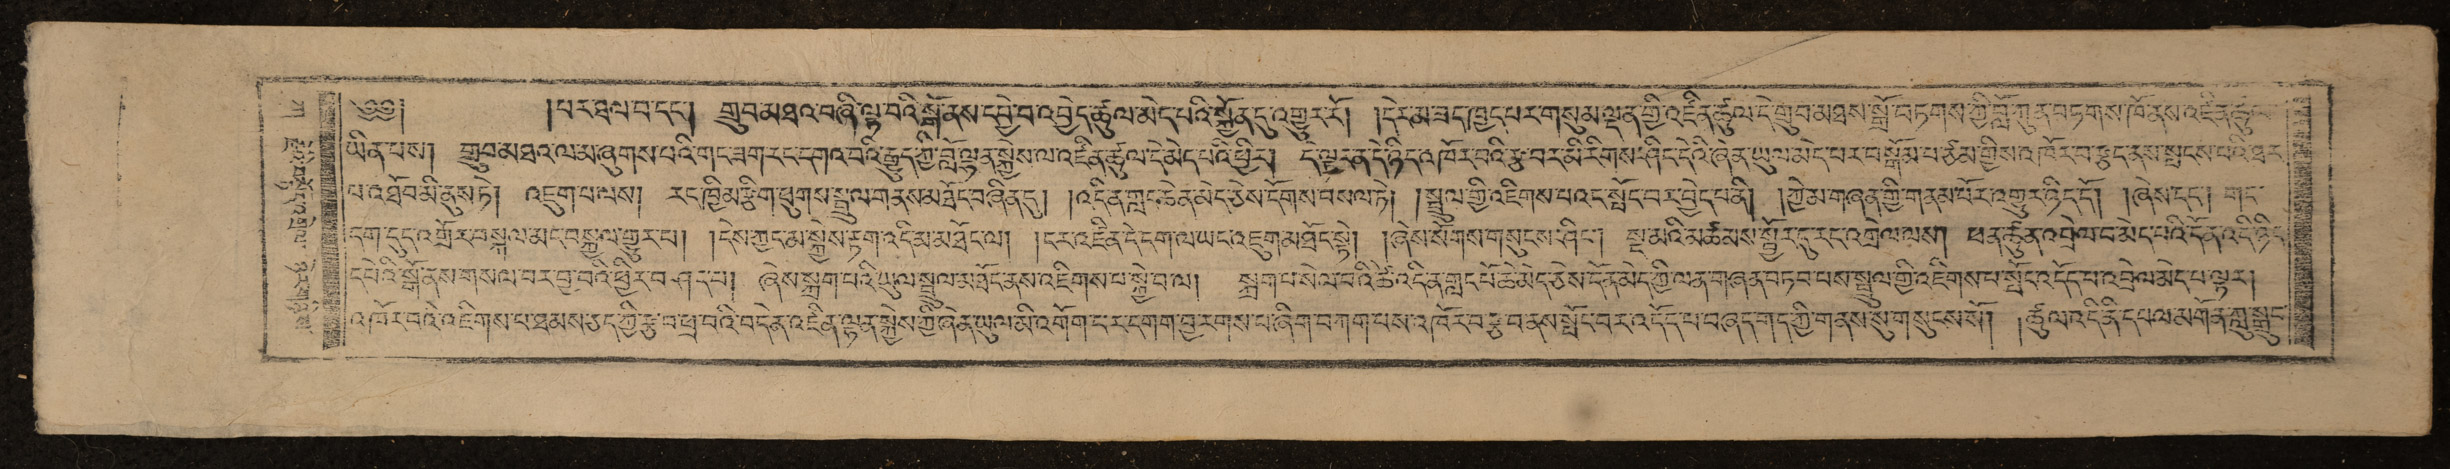༄༅། །པར་ཐལ་བ་དང་། གྲུབ་མཐའ་བཞི་ལྟ་བའི་སྒོ་ནས་དབྱེ་བ་འབྱེད་ཚུལ་མེད་པའི་སྐྱོན་དུ་འགྱུར་རོ། །དེར་མ་ཟད་ཁྱད་པར་གསུམ་ལྡན་གྱི་འཛིན་ཚུལ་དེ་གྲུབ་མཐས?་སྒྲོ་བཏགས་ཀྱི་བློ་ཀུན་བཏགས་ཁོ་ནས་འཛིན་ཚུལ་
ཡིན་པས། གྲུབ་མཐའ་ལམ་ཞུགས་པའི་གང་ཟག་རང་དགའ་བའི་རྒྱུད་ཀྱི་བློ་ལྷན་སྐྱེས་ལ་འཛིན་ཚུལ་དེ་མེད་པའི་ཕྱིར། དེ་ལྟར་ན་དེ་ཉིད་འཁོར་བའི་རྩ་བར་མི་རིགས་ཤིང་དེའི་ཞེན་ཡུལ་མེད་པར་བསྒོམ་པ་ཙམ་གྱིས་འཁོར་བ་རྩད་ནས་སྤངས་བའི་ཐར་
པ་འཐོབ་མི་ནུས་ཏེ། འཇུག་པ་ལས། རང་ཁྱིམ་རྩིག་ཕུགས་སྦྲུལ་གནས་མཐོང་བཞིན་དུ། །འདི་ན་གླང་ཆེན་མེད་ཅེས་དོགས་བསལ་ཏེ། །སྦྲུལ་གྱི་འཇིགས་བའང་སྤོང་བར་བྱེད་བ་ནི། །ཀྱེ་མ་གཞན་གྱི་གནམ་པོར་འགྱུར་ཉིད་དོ། །ཞེས་དང་། གང་
དག་དུད་འགྲོར་བསྐལ་མང་བསྐྱལ་གྱུར་བ། །དེས་ཀྱང་མ་སྐྱེས་རྟག་འདི་མ་མཐོང་ལ། །ངར་འཛིན་དེ་དག་ལ་ཡང་འཇུག་མཐོང་སྟེ། །ཞེས་སོགས་གསུངས་ཤིང་། སྔ་མའི་མཚམས་སྦྱོར་དུ་རང་འགྲེལ་ལས། ཕན་ཚུན་འབྲེལ་པ་མེད་བའི་དོན་འདི་ཉིད་
དཔེའི་སྒོ་ནས་གསལ་བར་བྱ་བའི་ཕྱིར་བཤད་པ། ཞེས་སྐྲག་བའི་ཡུལ་སྦྲུལ་མཐོང་ནས་འཇིགས་བ་སྐྱེ་བ་ལ། སྐྲག་པ་སེལ་བའི་ཚེ་འདི་ན་གླང་པོ་ཆེ་མེད་ཅེས་དོན་མེད་ཀྱི་ལན་གཞན་བཏབ་པས་སྦྲུལ་གྱི་འཇིགས་བ་སྤོང་འདོད་པ་འབྲེལ་མེད་པ་ལྟར།
འཁོར་བའི་འཇིགས་པ་ཐམས་ཅད་ཀྱི་རྩ་བ་ཕྲ་བའི་བདེན་འཛིན་ལྷན་སྐྱེས་ཀྱི་ཞེན་ཡུལ་མི་འགོག་པར་དགག་བྱ་རགས་པ་ཞིག་བཀག་བས་འཁོར་བརྩ་བ་ནས་སྤོང་བར་འདོད་བ་བཞད་གད་ཀྱི་གནས་སུ་གསུངས་སོ། །ཚུལ་འདི་ནི་དཔལ་མགོན་ཀླུ་སྒྲུབ་